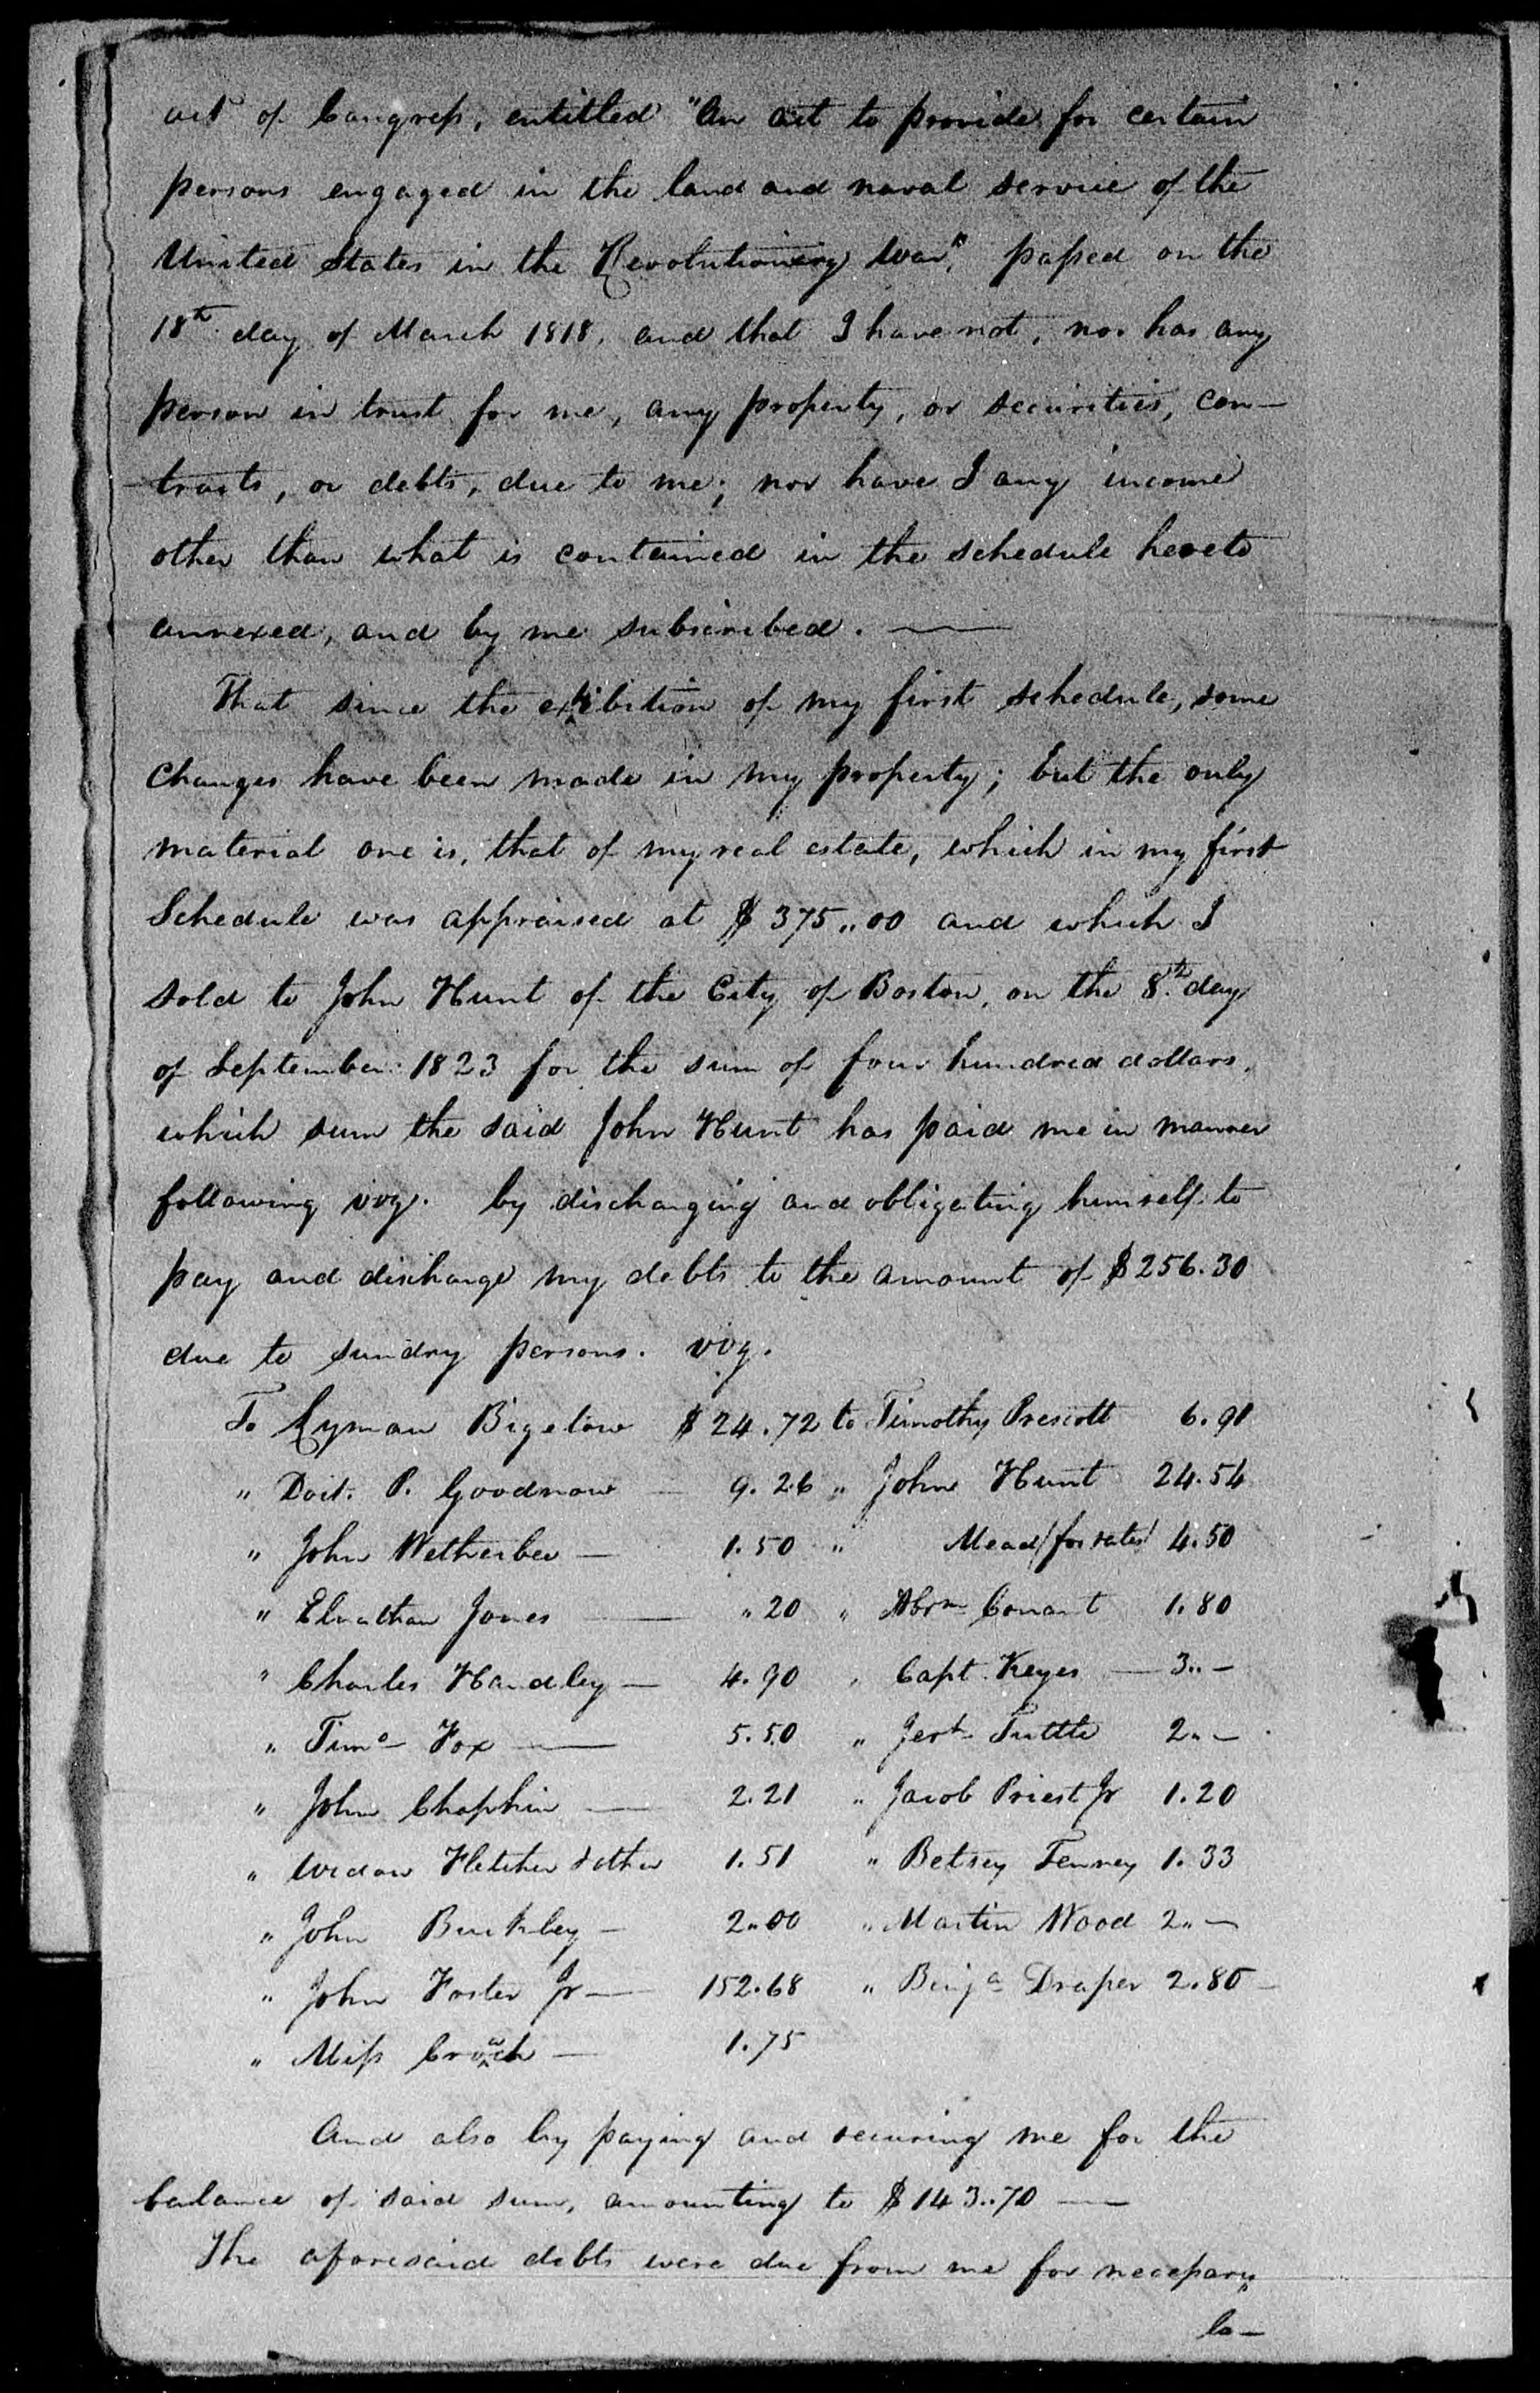act of Congress, entitled "An Act to provide for certain persons engaged in the land and naval service of the United States in the Revolutionary War," passed on the 18th day of March 1818, and that I have not, nor has any person in trust for me, any property, or securities, contracts, or debts, due to me; nor have I any income other than what is contained in the schedule hereto annexed, and by me subscribed. 
That since the exhibition of my first schedule, some changes have been made in my property; but the only material one is, that of my real estate, which in my first Schedule was appraised at $375.00 and which I sold to John Hunt of the City of Boston, on the 8th day of September 1823 for the sum of four hundred dollars, which sum the said John Hunt has paid me in manner following viz.  by discharging and obligating himself to pay and discharge my debts to the amount of $256.30 due to sundry persons.  viz. 
To Lyman Bigelow $24.72 
" Timothy Prescott 6.91
"  Doct. P. Goodnow 9.26
"  John Hunt 24.54
"  John Wetherbee 1.50
"  Mead/for sales 4.50
"  Elnathan Jones .20
"  Abrm Conant 1.80
"  Charles Handley 4.90
"  Capt. Keys 3.--
"  Timo Fox 5.50
"  Jerh. Tuttle 2.--
"  John Chaplin 2.21
"  Jacob Priest Jr 1.20
"  Widow Fletcher & others 1.51
"  Betsey Tenney 1.33
"  John Buckley 2.00
"  Martin Wood 2.--
"  John Foster Jr 152.68
"  Benja Draper 2.80
"  Miss Crowch 1.75
And also by paying and securing me for the balance of said sum, amounting to $143.70--
The aforesaid debts were due from me for necessary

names: Keyes, John Burkley, Benja Draper, John Wetherbee, Timothy Prescott, Elnathan Jones, Crowch, P Goodnow, John Chaphin, John Hunt, Charles Handley, John Hunt, Fletcher, Betsey Tenney, Mead, Lyman Bigelow, Jerh Tuttle, John Hunt, Martin Wood, John Foster, Abrm Conant, Timo Fox, Jacob Priest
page: 25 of 47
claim: widow's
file: W. 7,302, John Foster, Continental Mass. R.I.